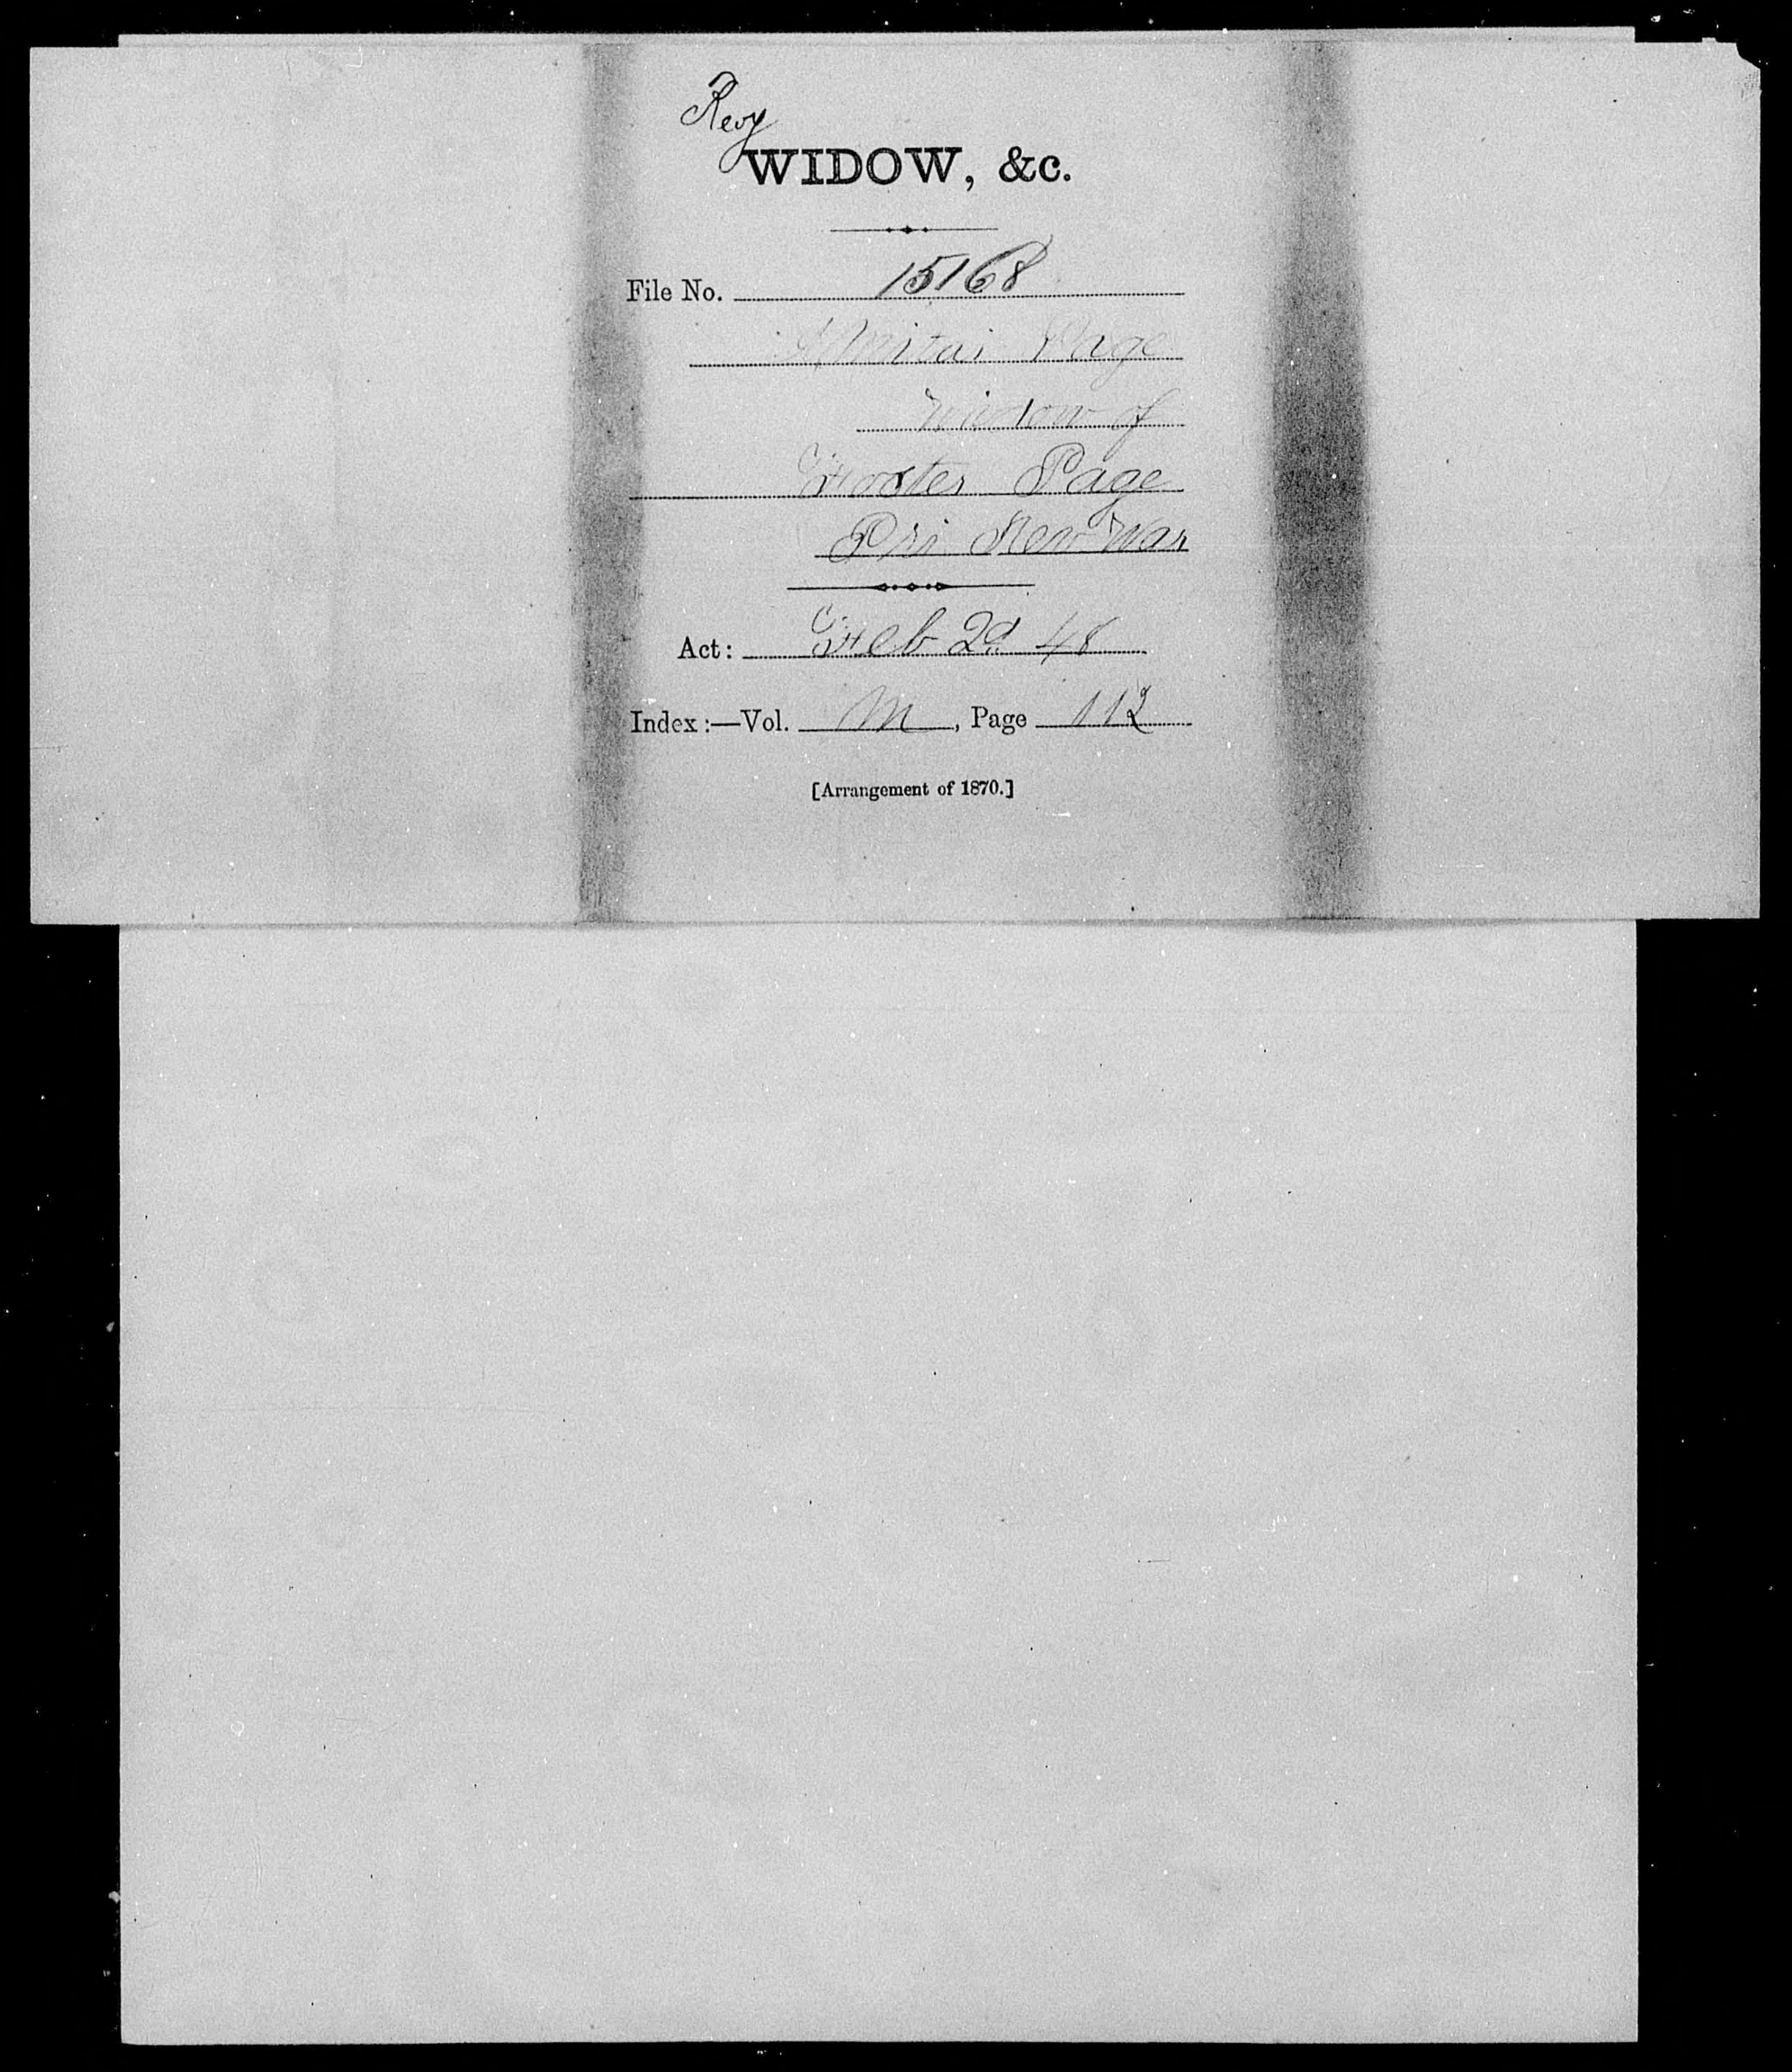Revy
WIDOW, &c.
-
File No. 15168
Amitai Page
Widow of
Foster Page
Pri Rev War
-
Act: Feb 2d 48
Index: -- Vol. M Page 112
[Arrangement of 1870.]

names: Amitai Page; Foster Page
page: 22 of 40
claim: widow's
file: W. 15168, for Foster Paige, Massachusetts